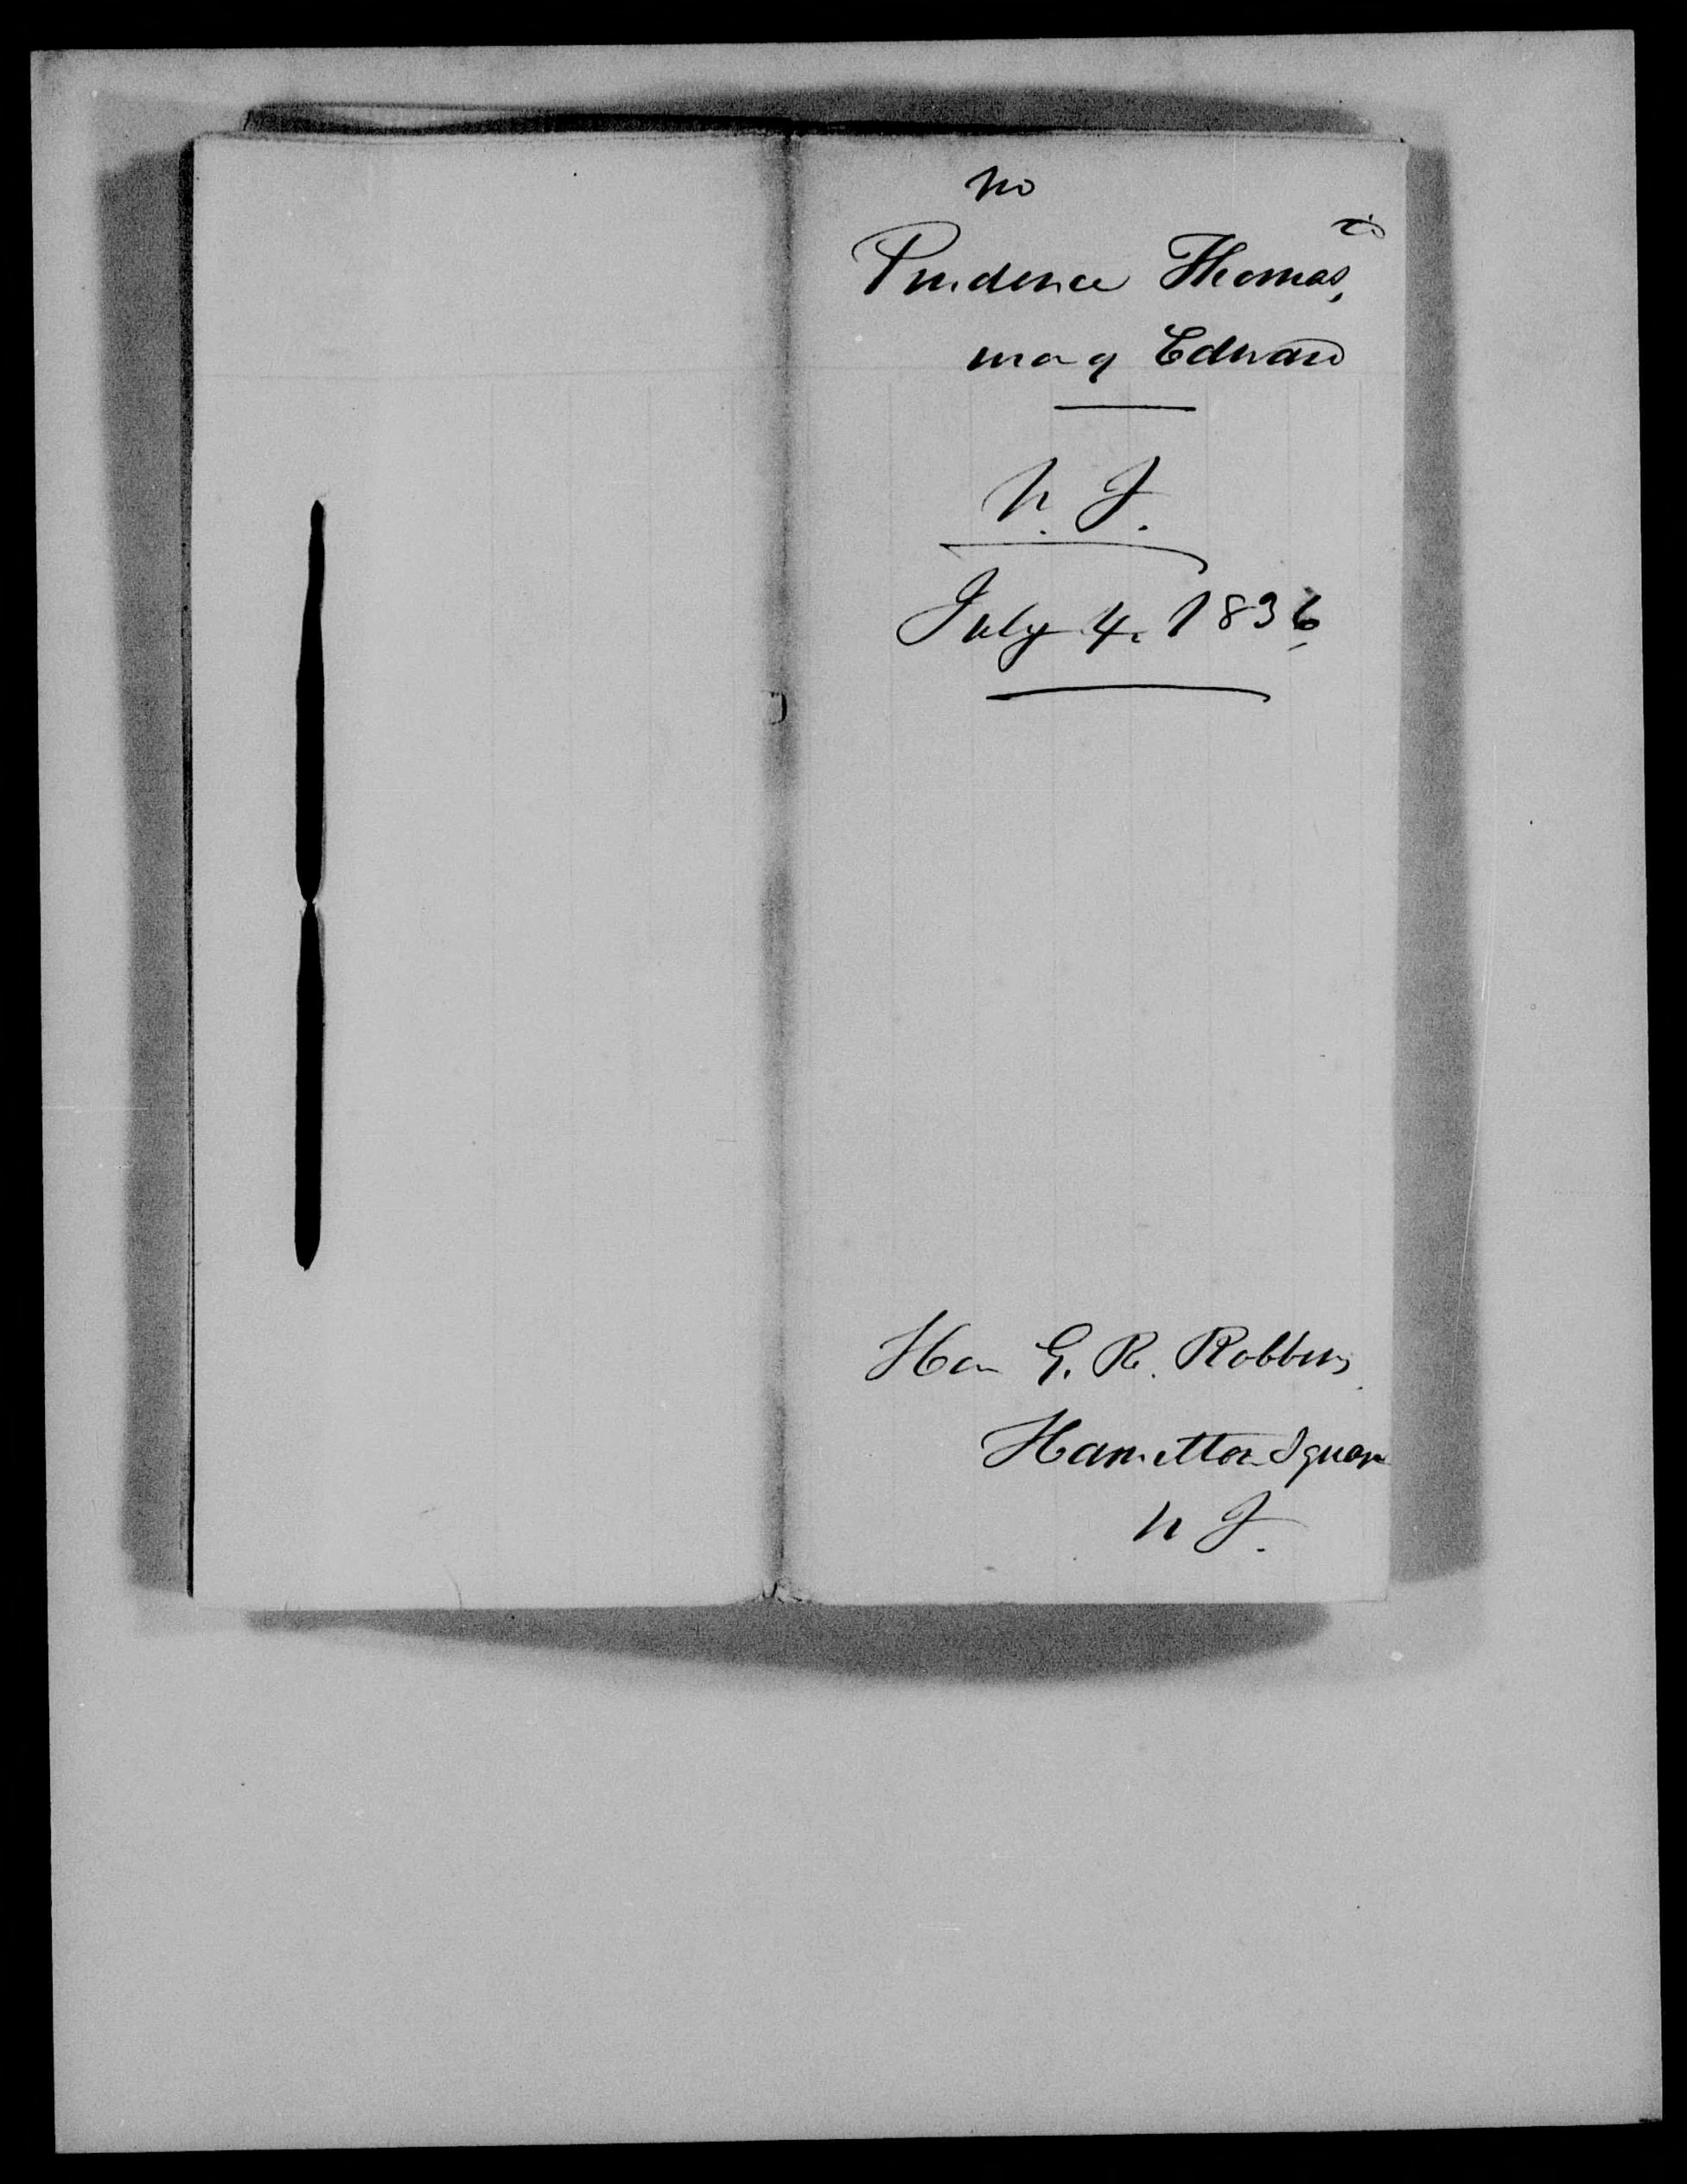No

Prudence Thomas
[illegible] Edward
N.J. 
July 4, 1836

Hon G.R. Robbins
Hamilton Square NJ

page: 3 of 25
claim: rejected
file: R. 10513, for Edward Thomas, New Jersey